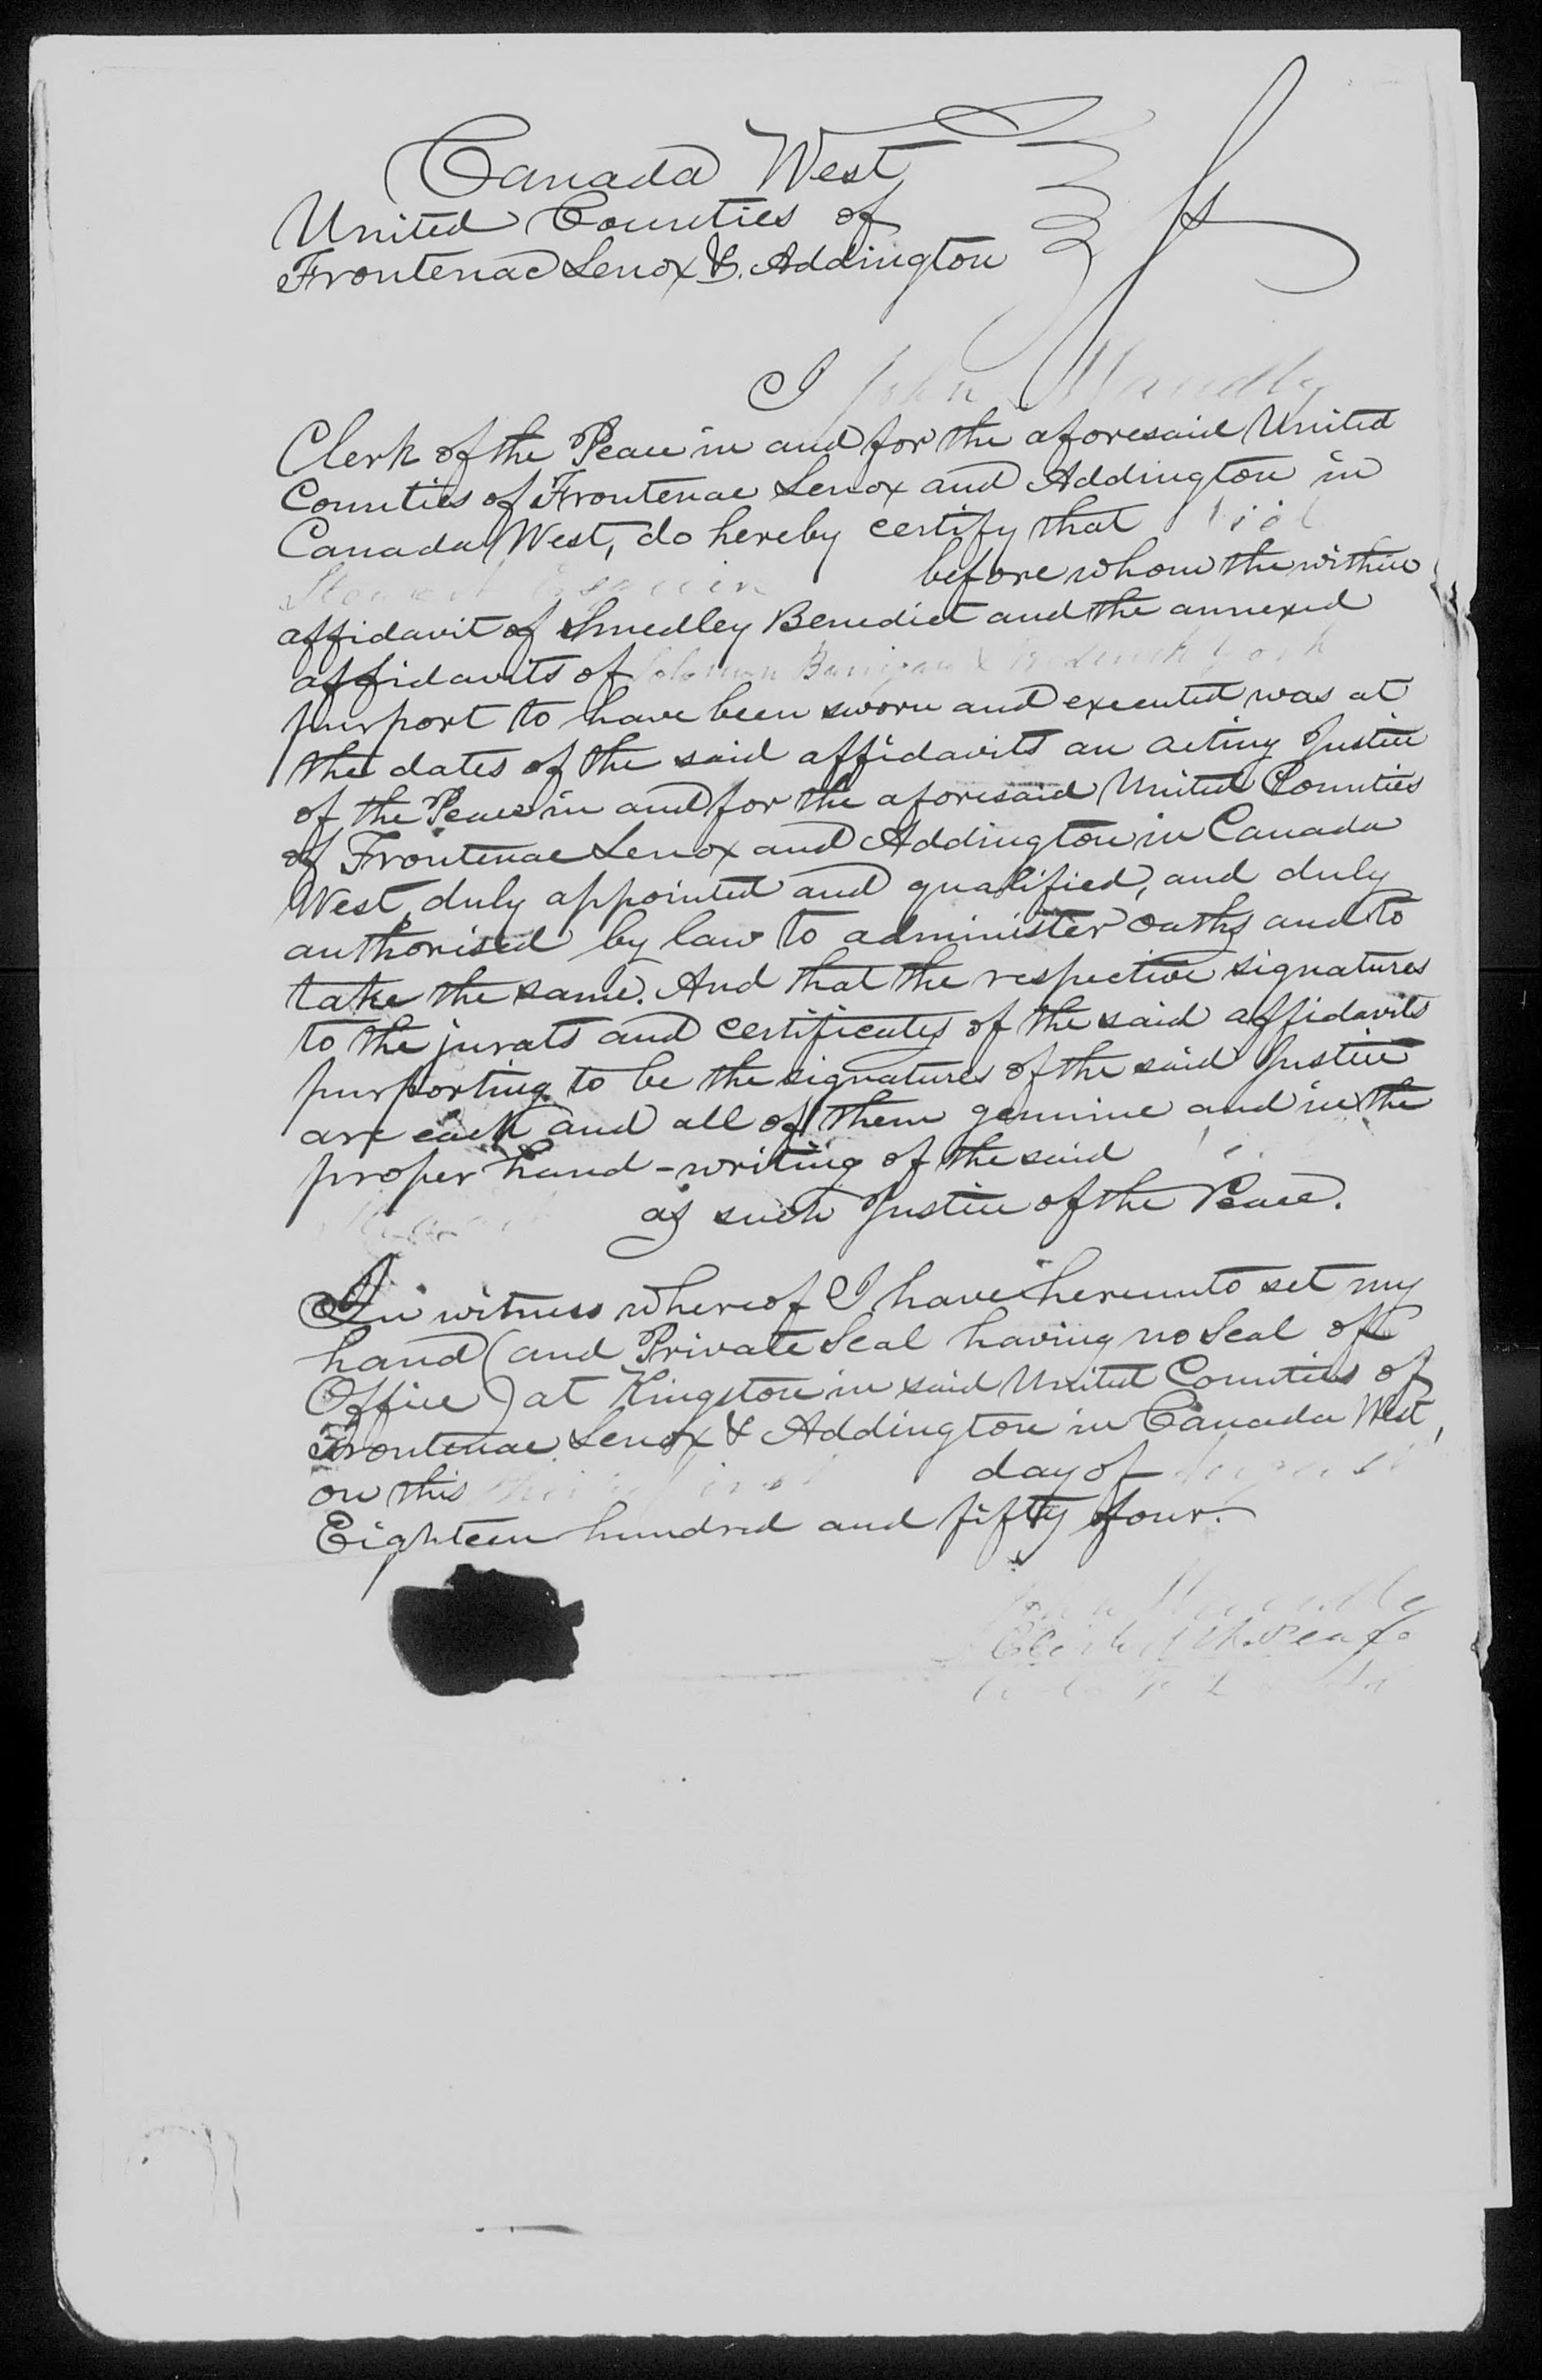Canada West
United Counties of
Frontenac Lenox [Lennox] &. Addington } Ss

I John Wandly Clerk of the Peace in and for the aforesaid United Counties of Frontenac Lenox [Lennox] and Addington in Canada West do hereby certify that Niel Stewart Esquire before whom the within affidavit of Smedley Benedict and the annexed affidavits of Solomon Barrigar & [illegible] York purport to have been sworn and executed was at the dates of the said affidavits an acting Justice of the Peace in and for the aforesaid United Counties of Frontenac Lenox [Lennox] and Addington in Canada West duly appointed and qualified, and duly authorised by law to administer oaths and to take the same. And that the respective signatures to the jurats and certificates of the said affidavits purporting to be the signatures of the said Justice are each and all of them genuine and in the proper hand-writing of the said Niel Stewart as such Justice of the Peace.

In witness whereof I have hereunto set my hand (and Private Seal having no Seal of Office) at Kingston in said United Counties of Frontenac Lenox [Lennox] & Addington in Canada West, on this thirty first day of August Eighteen hundred and fifty four.

John Wandly
Clerk of the Peace
[illegible]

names: Smedley Benedict, John Wandly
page: 92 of 106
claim: survivor's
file: S 23,116., Joshua Benedict, Conn.